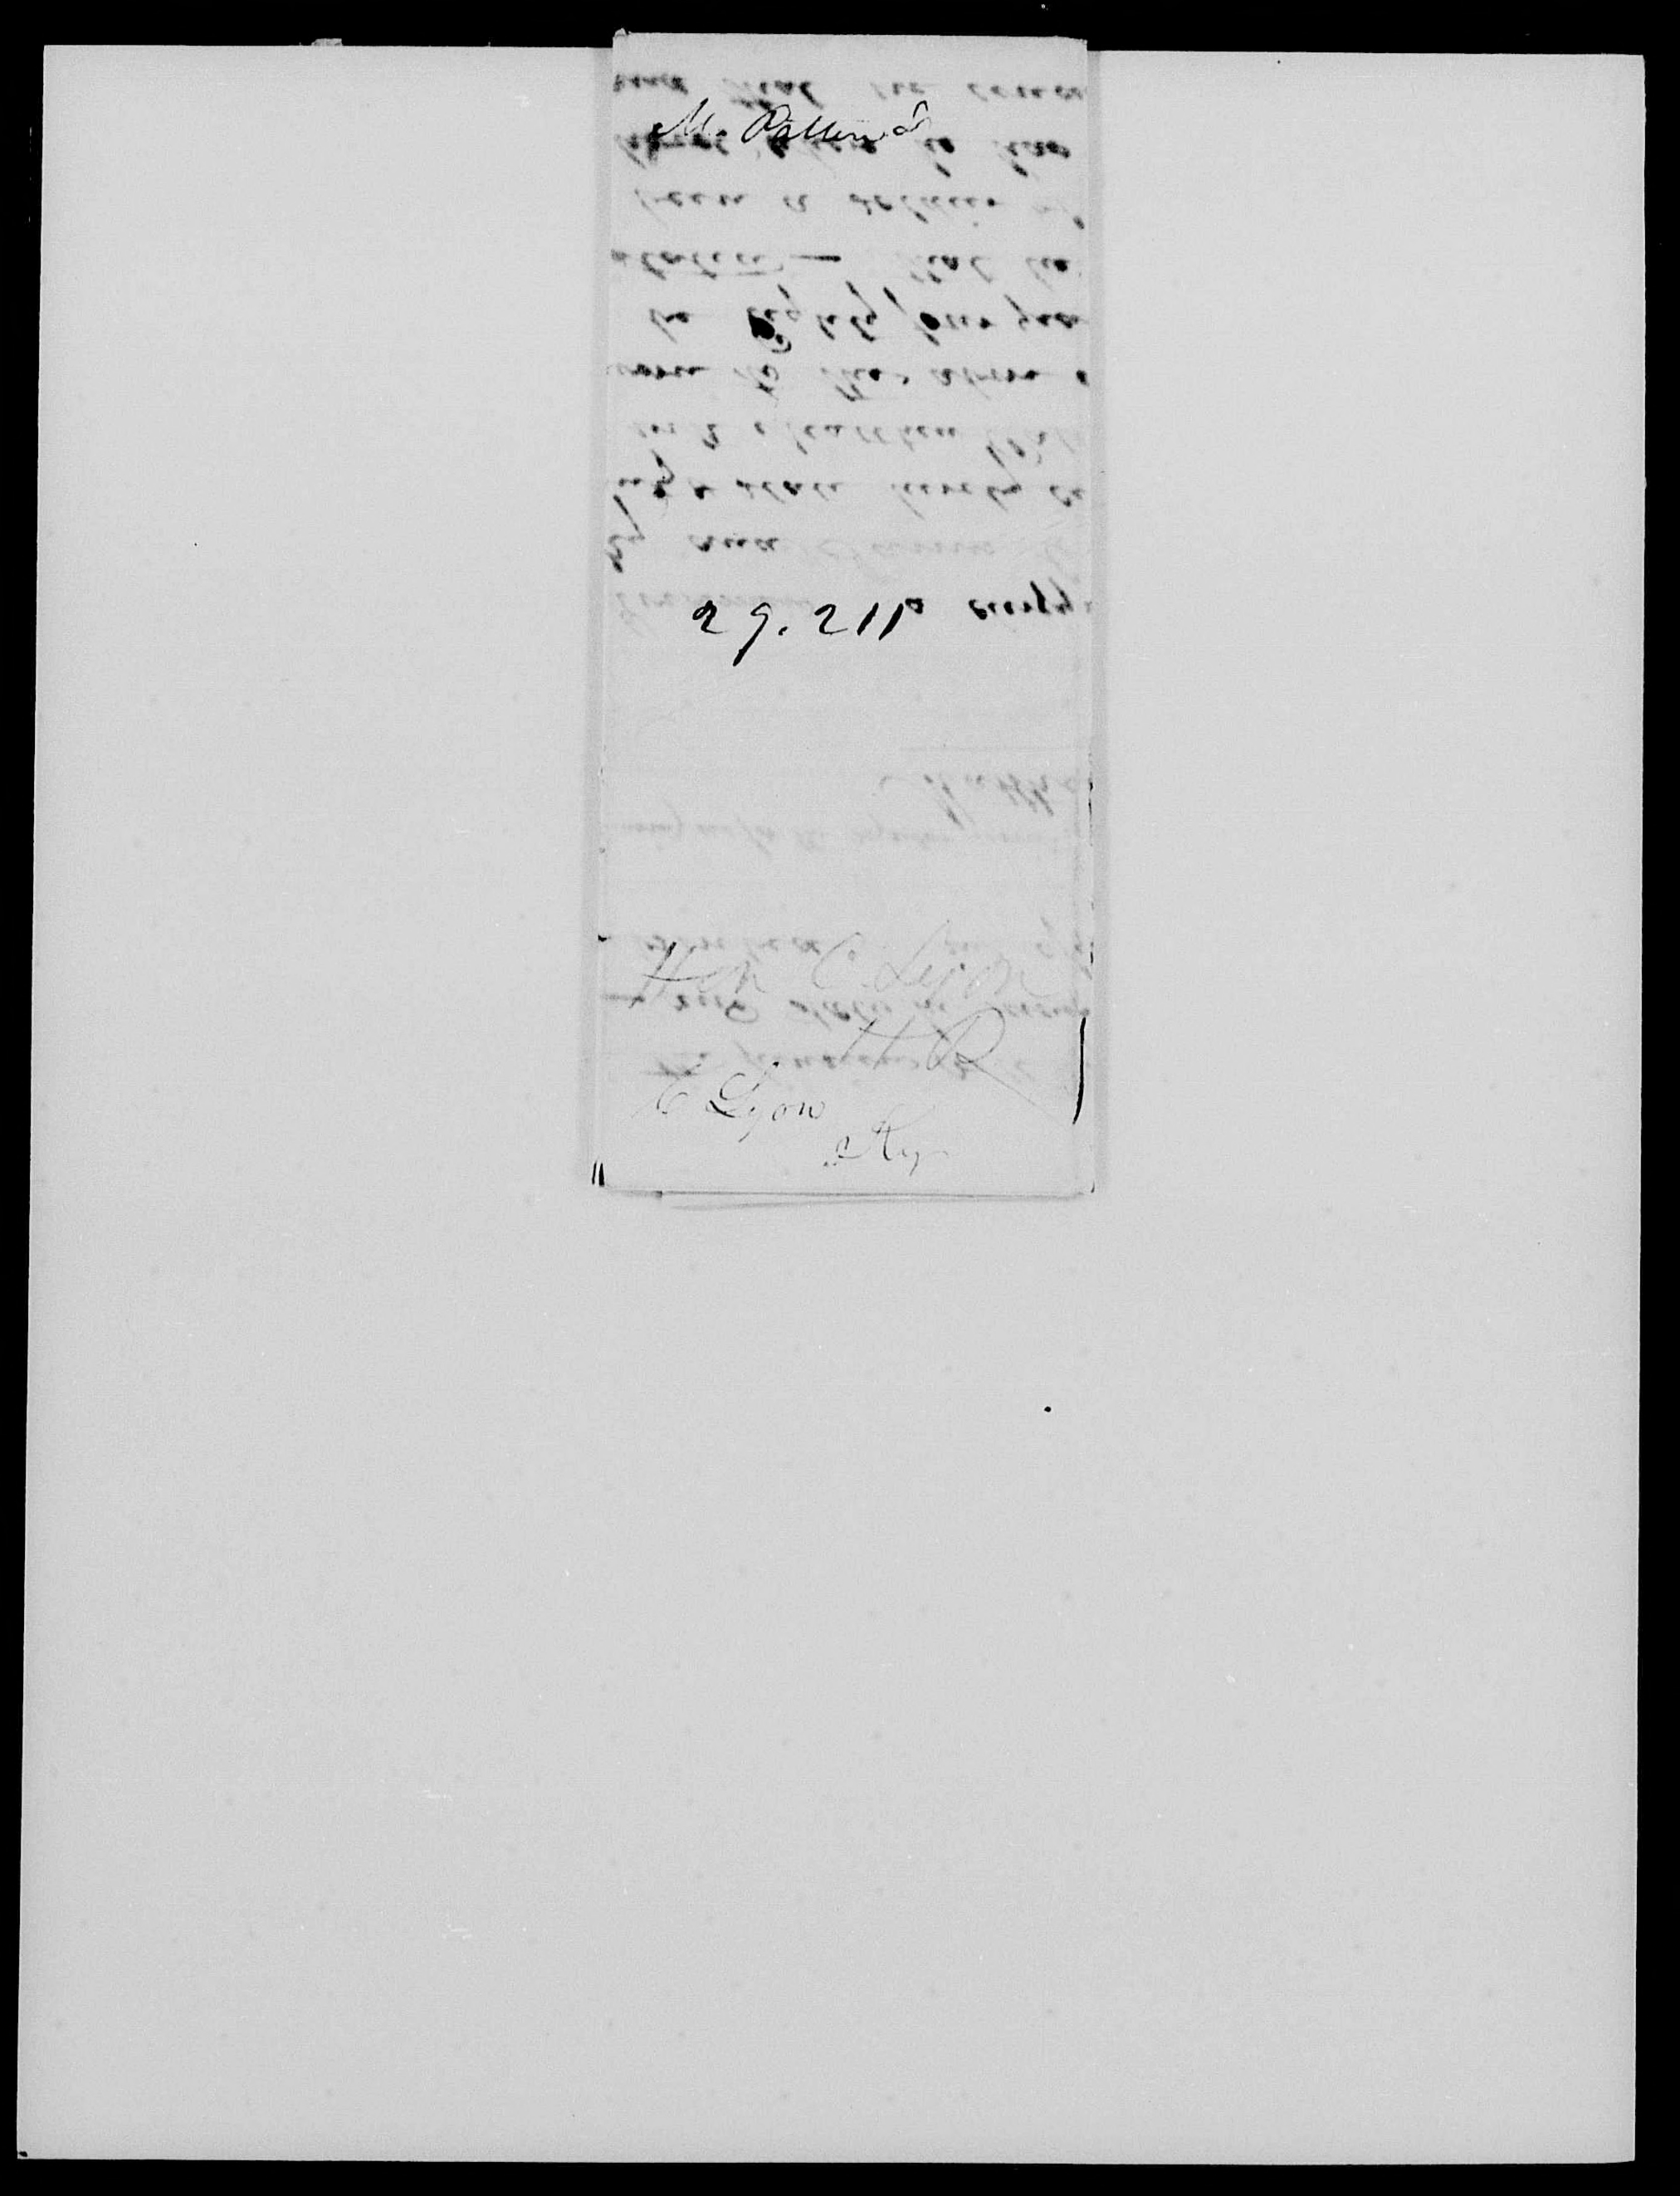M. Patton
29.211
Hon C. Lyon
HR
C Lyon
Ky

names: C Lyon; M Patton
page: 10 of 45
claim: survivor's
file: S. 31294, for Matthew Patton, Maryland